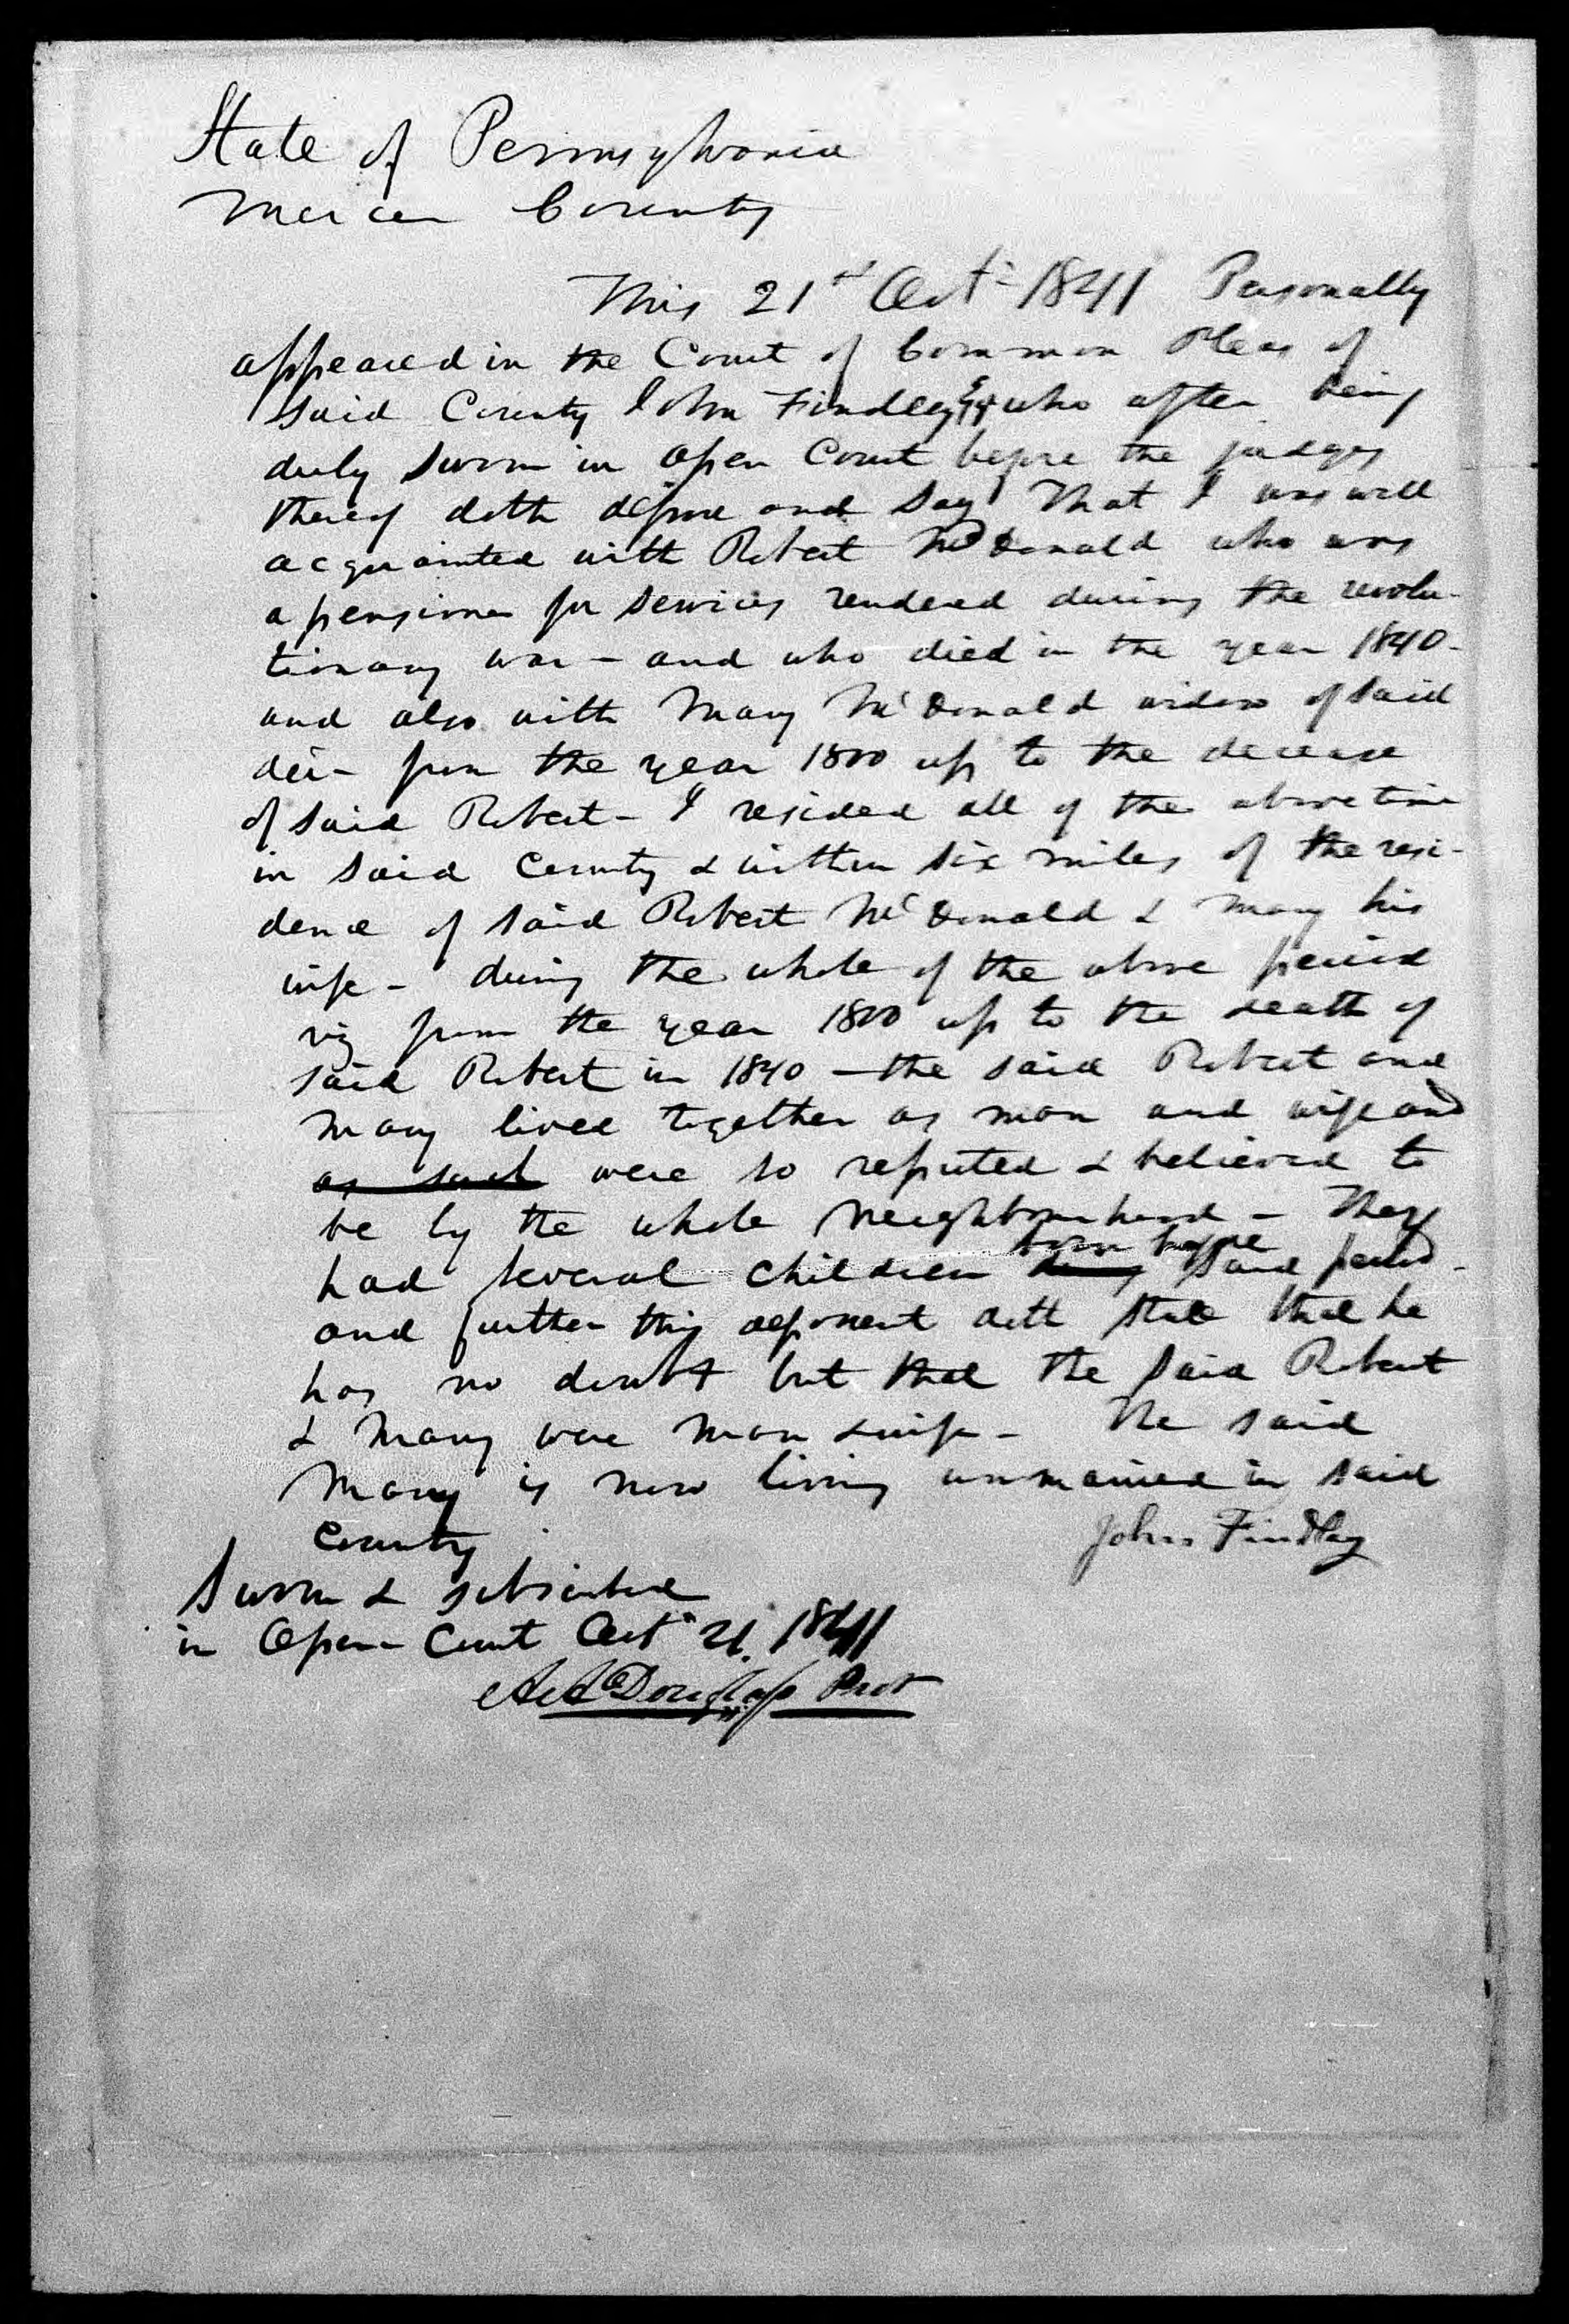State of Pennsylvania
Mercer County
This 21st Oct 1841 Personally appeared in the Court of Common Pleas of said County of Common Pleas of said County and Mr Findley Esq who after being duly sworn in open Court before the Judges there by doth depose and say that I was well acquainted with Robert McDonald who was a pensioner for services rendered during the revolutionary war and who died in the year 1840 and also with Mary McDonald widow of said deceased from the year 1800 to the deceased of said Robert and resided all of the above time in said County and within six miles of the residence of said Robert McDonald and Mary his wife- during the whole of the above period from the year 1800 up to the death of said Robert in 1840-the said Robert and Mary lived together as man and wife and were so reputed and believed to be  by the whole neighborhood- Mary had several children born before said period and further deponent did state that he has no doubt but that the said Robert and Mary were married. He said Mary is now living unmarried in said county John Findley
Sworn and Subscribe in Open Court Oct 21 1841
AA Douglass Prot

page: 38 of 59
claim: widow's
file: W 3703, for Robert Mc Donald, Pennsylvania